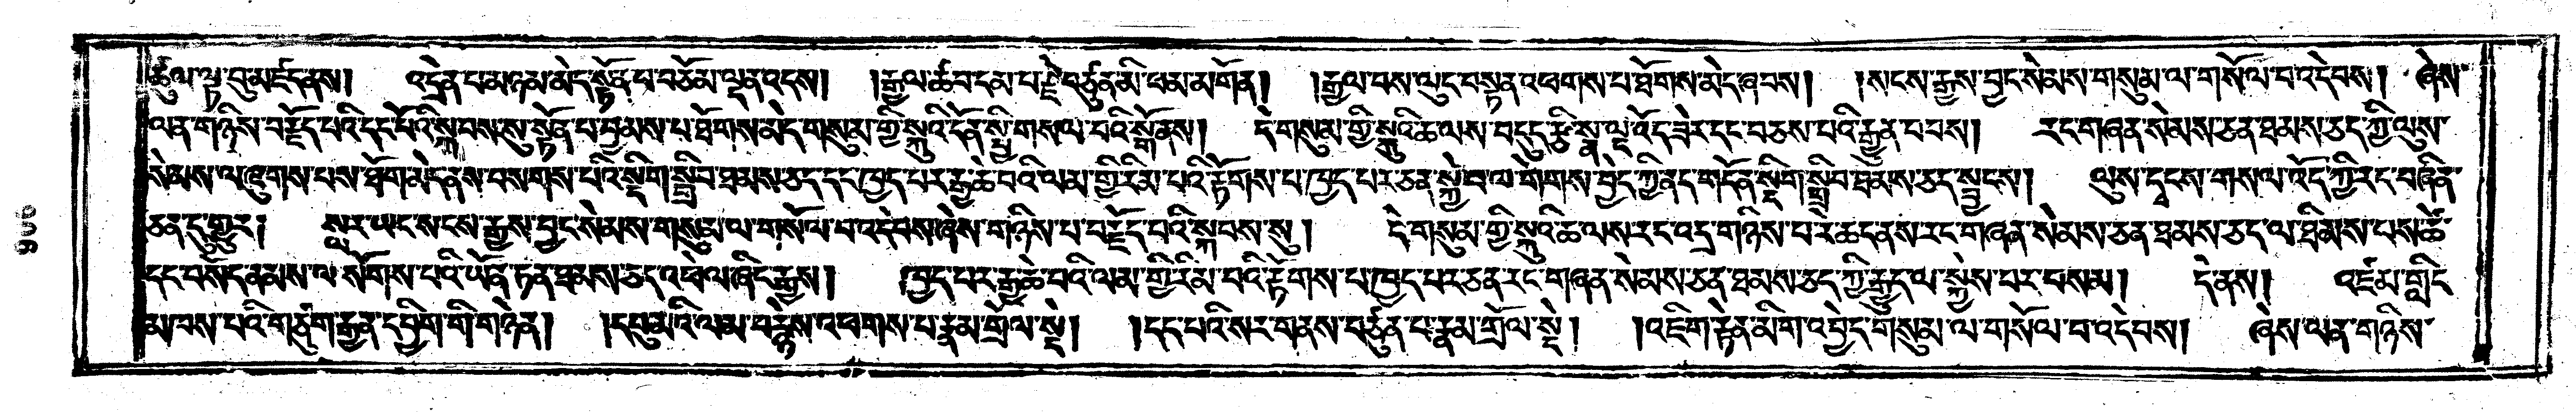ཚུལ་ལྟ་བུ་མཛད་ནས། འདྲེན་པ་མཉམ་མེད་སྟོན་པ་བཅོམ་ལྡན་འདས། །རྒྱལ་ཚབ་དམ་པ་རྗེ་བཙུན་མི་ཕམ་མགོན། །རྒྱལ་བས་ལུང་བསྟན་འཕགས་པ་ཐོགས་མེད་ཞབས། །སངས་རྒྱས་བྱང་སེམས་གསོལ་ལ་གསོལ་བ་འདེབས། ཞེས་
ལན་གཉིས་བརྗོད་པའི་དང་པོའི་སྐབས་སུ་སྟོན་པ་བྱམས་པ་ཐོགས་མེད་གསུམ་གྱི་སྐུའི་དོན་སྤྱི་གསལ་བའི་སྒོ་ནས། དེ་གསུམ་གྱི་སྐུའི་ཆ་ལས་བདུད་རྩི་སྣ་ལྔ་འོད་ཟེར་དང་བཅས་པའི་རྒྱུན་བབས། རང་གཞན་སེམས་ཅན་ཐམས་ཅད་ཀྱི་ལུས་
སེམས་ལ་ཞུགས་པས་ཐོག་མེད་ནས་བསགས་པའི་སྡིག་སྒྲིབ་ཐམས་ཅད་དང་ཁྱད་པར་རྒྱ་ཆེ་བའི་ལམ་གྱི་རིམ་པའི་རྟོགས་པ་ཁྱད་པར་ཅན་སྐྱེ་བ་ལ་གེགས་བྱེད་ཀྱི་ནད་གདོན་སྡིག་སྒྲིབ་ཐམས་ཅད་སྦྱངས། ལུས་དྭངས་གསལ་འོད་ཀྱི་རང་བཞིན་
ཅན་དུ་གྱུར། སླར་ཡང་སངས་རྒྱས་བྱང་སེམས་གསུམ་ལ་གསོལ་བ་འདེབས་ཞེས་གཉིས་པ་བརྗོད་པའི་སྐབས་སུ། དེ་གསུམ་གྱི་སྐུའི་ཆ་ལས་རང་འདྲ་གཉིས་པ་རེ་ཆད་ནས་རང་གཞན་སེམས་ཅན་ཐམས་ཅད་ལ་ཐིམས་པས་ཚེ་
དང་བསོད་ནམས་ལ་སོགས་པའི་ཡོན་ཏན་ཐམས་ཅད་འཕེལ་ཞིང་རྒྱས། ཁྱད་པར་རྒྱ་ཆེ་བའི་ལམ་གྱི་རིམ་བའི་རྟོགས་པ་ཁྱད་པར་ཅན་རང་གཞན་སེམས་ཅན་ཐམས་ཅད་ཀྱི་རྒྱུད་ལ་སྐྱེས་པར་བསམ། དེ་ནས། འཛམ་གླིང་
མཁས་པའི་གཙུག་རྒྱན་དབྱིག་གི་གཉེན། །དབུ་མའི་ལམ་བརྙེས་འཕགས་པ་རྣམ་གྲོལ་སྡེ། །དད་པའི་སར་གནས་བཙུན་པ་རྣམ་གྲོལ་སྡེ། །འཇིག་རྟེན་མིག་འབྱེད་གསུམ་ལ་གསོལ་བ་འདེབས། ཞེས་ལན་གཉིས་